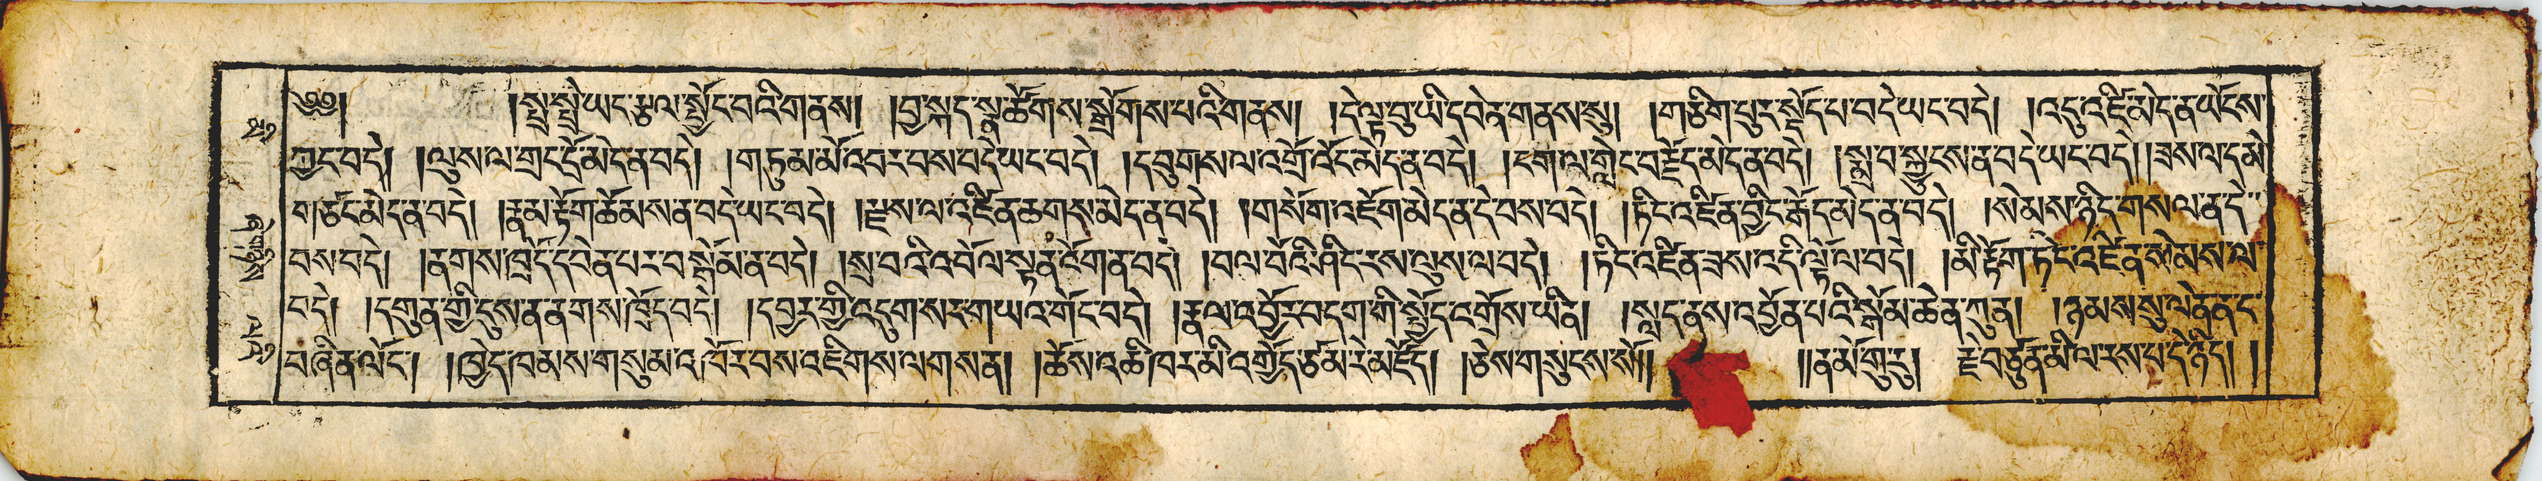སྤྲ་སྤྲེ་ཡང་རྩལ་སྤྱོང་བའི་གནས། །བྱ་སྐད་སྣ་ཚོགས་སྒྲོགས་པའི་གནས། །དེ་ལྟ་བུ་ཡི་དབེན་གནས་སུ། །གཅིག་པུར་སྡོད་པ་བདེ་ཡང་བདེ། །འདུ་འཛི་མེད་ན་ཡོངས་
ཀྱང་བདེ། །ལུས་ལ་གྲང་དྲོ་མེད་ན་བདེ། །གཏུམ་མོ་འབར་བས་བདེ་ཡང་བདེ། །དབུགས་ལ་འགྲོ་འོང་མེད་ན་བདེ། །ངག་ལ་གླེང་བརྗོད་མེད་ན་བདེ། །སྨྲ་བ་སྐྱུངས་ན་བདེ་ཡང་བདེ། །ཟས་ལ་དམེ་
གཙང་མེད་ན་བདེ། །རྣམ་རྟོག་ཆོམས་ན་བདེ་ཡང་བདེ། །རྫས་ལ་འཛིན་ཆགས་མེད་ན་བདེ། །གསོག་འཇོག་མེད་ན་དེ་བས་བདེ། །ཏིང་འཛིན་བྱིང་རྒོད་མེད་ན་བདེ། །སེམས་ཉིད་གསལ་ན་དེ་
བས་བདེ། །ནགས་ཁྲོད་དབེན་པར་བསྒོམ་ན་བདེ། །སྲ་བའི་འབོལ་སྟན་འོག་ན་བདེ། །བལ་པོའི་ཤིང་རས་ལུས་ལ་བདེ། །ཏིང་འཛིན་ཟས་འདི་ལྟོ་ལ་བདེ། །མི་རྟོག་ཏིང་འཛིན་སེམས་ལ་
བདེ། །དགུན་གྱི་དུས་ན་ནགས་ཁྲོད་བདེ། །དབྱར་གྱི་འདུག་སར་གཡའ་གོང་བདེ། །རྣལ་འབྱོར་བདག་གི་སྤྱོད་འགྲོས་ཡིན། །སླད་ནས་འབྱོན་པའི་སྒོམ་ཆེན་ཀུན། །ཉམས་སུ་ལེན་ན་ང་
བཞིན་ལོང་། །ཁྱེད་ཁམས་གསུམ་འཁོར་བས་འཇིགས་ལགས་ན། །ཆོས་འཆི་ཁར་མི་འགྱོད་ཙམ་རེ་མཛོད། །ཅེས་གསུངས་སོ།། ན་མོ་གུ་རུ། རྗེ་བཙུན་མི་ལ་རས་པ་དེ་ཉིད།